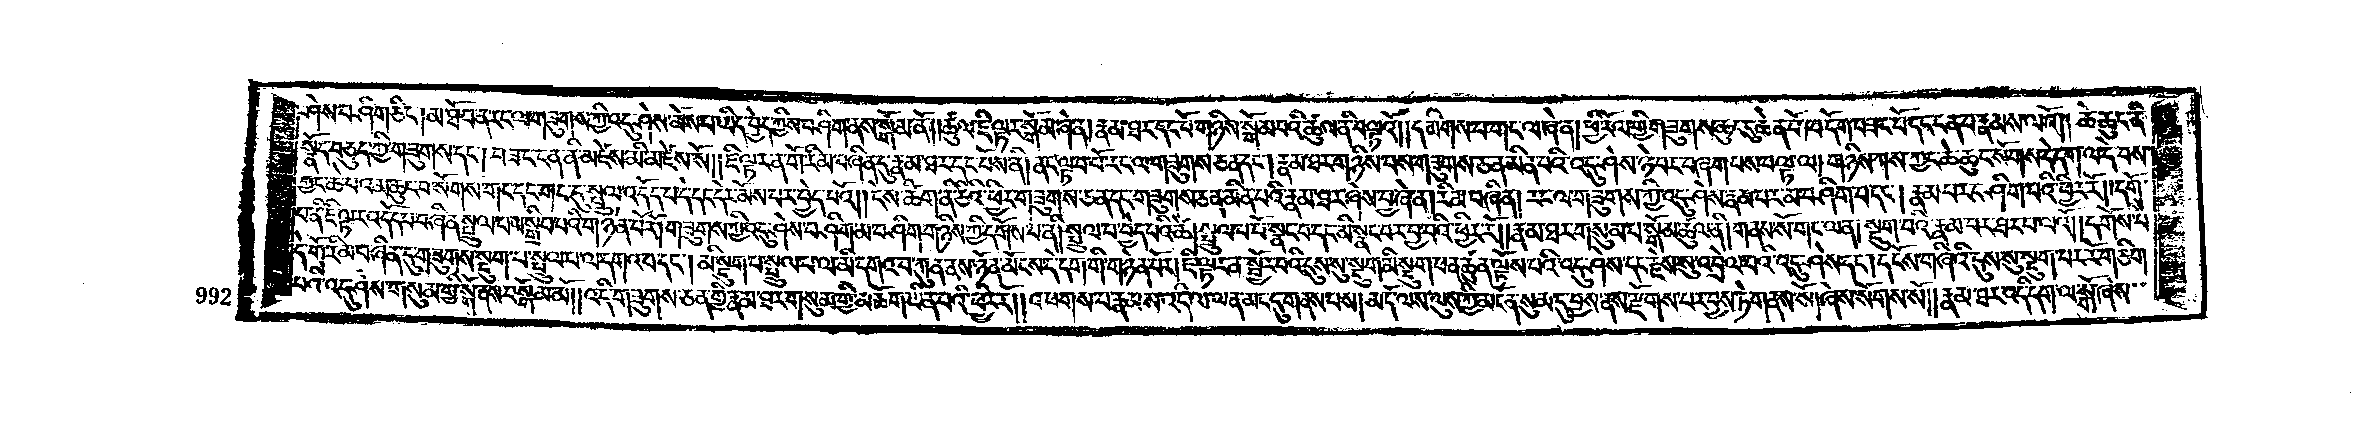ཤེས་བཤིག་ཅིང་། མ་ཐོབ་ན་རང་ལ་གཟུགས་ཀྱི་འདུ་ཤེས་མོས་པ་ཡིད་བྱེད་ཀྱིས་བཤིག་ནས་སྒོམ་ནོ། །ཚུལ་ཇི་ལྟར་སྒོམ་ཞེ་ན། རྣམ་ཐར་དང་པོ་གཉིས་སྒོམ་པའི་ཚུལ་ནི་བལྟའོ། །དམིགས་པ་གང་ལ་ཞེ་ན། ཕྱི་རོལ་གྱི་གཟུགས་ཆུང་ངུ་ཆེན་པོ་ཁ་དོག་བཟང་པོ་དང་ངན་པ་རྣམས་ལའོ། །ཆེ་ཆུང་ནི་
སྣོད་བཅུད་ཀྱི་གཟུགས་དང་། བཟང་ངན་ནི་མཛེས་མི་མཛེས་སོ། །ཇི་ལྟར་ན་གོ་རིམ་བཞིན་དུ་རྣམ་ཐར་དང་པོས་ནི། ནང་ལྟ་བ་པོ་རང་ལ་གཟུགས་ཅན་དང་། རྣམ་ཐར་གཉིས་པས་གཟུགས་ཅན་མིན་པའི་འདུ་ཤེས་ཉེ་བར་བཞག་པས་བལྟ་ལ། གཉིས་ཀས་ཀྱང་ཆེ་ཆུང་སོགས་དེ་དག་ལ་དེ་བས་
ཀྱང་ཆེ་པའམ་ཆུང་བ་སོགས་གང་དང་གང་དུ་སྤྲུལ་འདོད་པ་དེ་དང་དེར་མོས་པར་བྱེད་པའོ། །ངེས་ཚིག་ནི་ཅིའི་ཕྱིར་གཟུགས་ཅན་དང་གཟུགས་ཅན་མིན་པའི་རྣམ་ཐར་ཞེས་བྱ་ཞེ་ན། རིམ་བཞིན། རང་ལ་གཟུགས་ཀྱི་འདུ་ཤེས་རྣམ་པར་མ་བཤིག་པ་དང་། རྣམ་པར་རང་ཤིག་པའི་ཕྱིར་རོ། །དགོས་
པ་ནི་ཇི་ལྟར་འདོད་པ་བཞིན་སྤྲུལ་པ་ལ་སྒྲིབ་པའི་གཉེན་པོར་རོ། གཟུགས་ཀྱི་འདུ་ཤེས་བཤིག་མ་བཤིག་གཉིས་ཀྱི་དགོས་པ་ནི། སྤྲུལ་པ་བྱེད་པའི་ཚེ། སྤྲུལ་པ་པོ་སྣང་བ་དང་མི་སྣང་བར་བྱ་བའི་ཕྱིར་རོ། །རྣམ་ཐར་གསུམ་པ་སྒོམ་ཚུལ་ནི། གནས་སོ་གང་ལ་ན། སྡུག་པའི་རྣམ་པར་ཐར་པ་ལའོ། །དགོས་པ་
དེ་གོ་རིམ་བཞིན་དུ་གཟུགས་སྡུག་པ་སྤྲུལ་པ་ལ་དགའ་བ་དང་། མི་སྡུག་པ་སྤྲུལ་པ་ལ་མི་དགའ་བ་ཀུན་ནས་ཉོན་མོངས་དེ་དག་གི་གཉེན་པོར། ཇི་ལྟར་ན་སྦྱོར་བའི་དུས་སུ་སྡུག་མི་སྡུག་ཕན་ཚུན་ལྟོས་པའི་འདུ་ཤེས་དང་རྗེས་སུ་འབྲེལ་བའི་འདུ་ཤེས་དང་། དངོས་གཞིའི་དུས་སུ་སྡུག་པར་རོ་གཅིག་
པའི་འདུ་ཤེས་གསུམ་གྱི་སྒོ་ནས་བསྒོམ་མོ། །འདི་གཟུགས་ཅན་གྱི་རྣམ་ཐར་གསུམ་གྱི་མཆོག་ཡིན་པའི་ཕྱིར་རོ། །འཕགས་པ་རྣམས་འདི་ལ་ལན་མང་དུ་གནས་པས། མདོ་ལས་ལུས་ཀྱི་མངོན་སུམ་དུ་བྱས་ནས་རྫོགས་པར་བྱས་ཏེ་གནས་སོ། ཞེས་སོགས་སོ། །རྣམ་ཐར་འདི་དག་ལ་སྒོ་ཞེས་